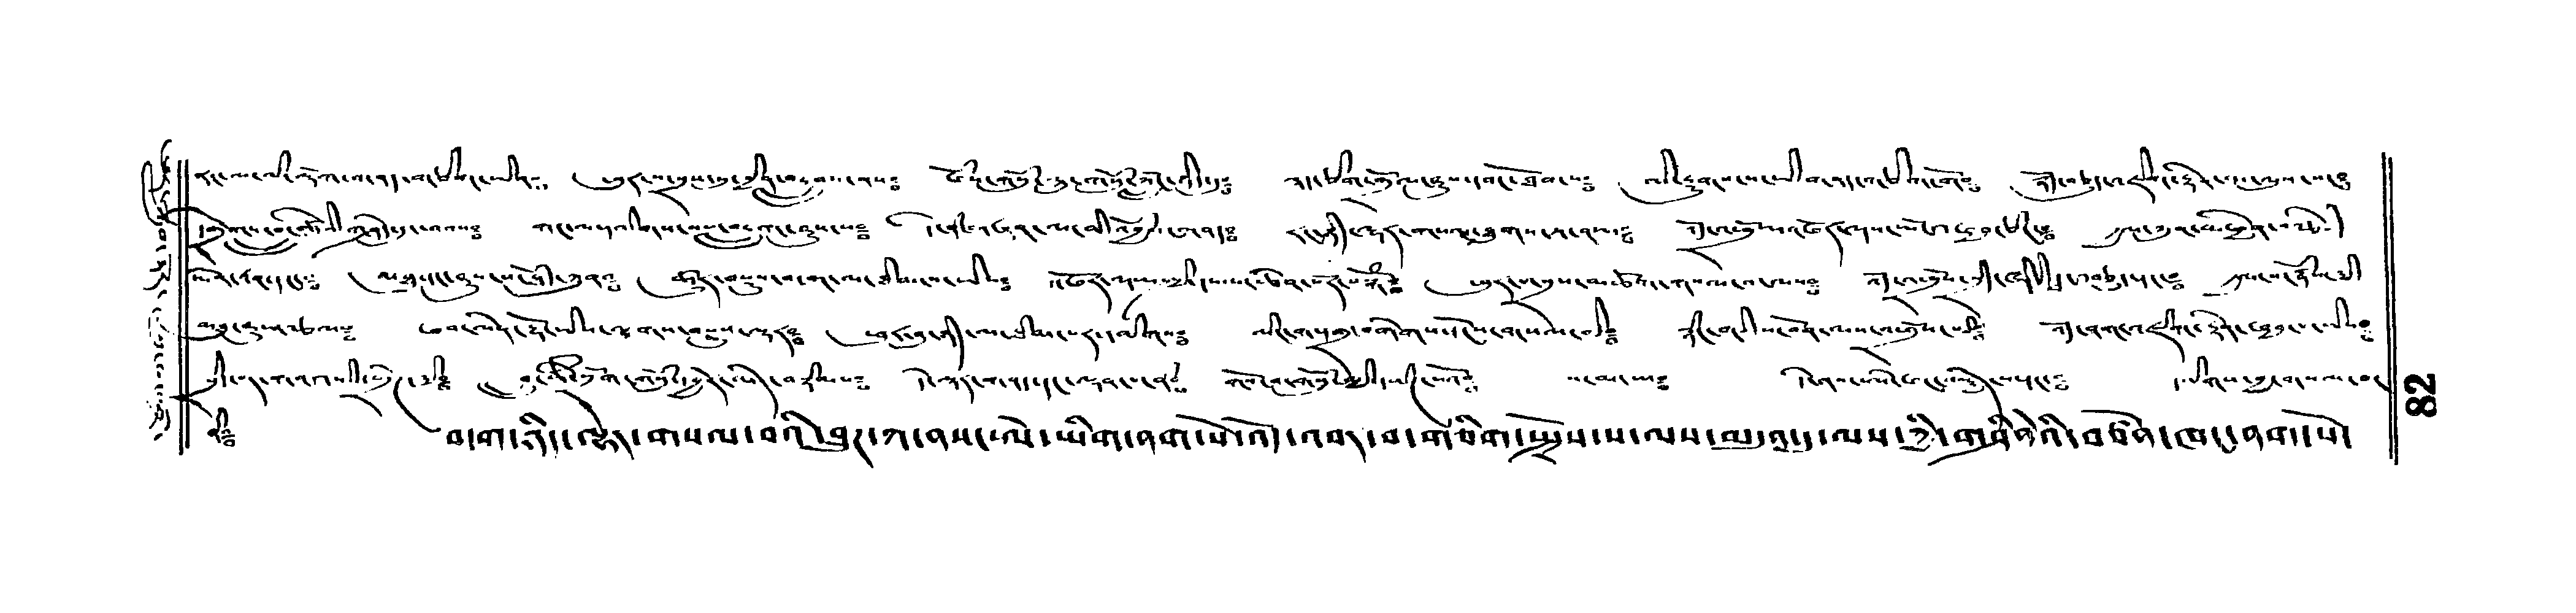ནང་ལ་མི་ལྡོག་གནད་གཅིག་ཡིན༔ ཕུར་པ་སྲས་སུ་བྱིན་བརླབས་ནས༔ ཁམས་གསུམ་སྐུ་གསུམ་ཀློང་ཉིད་དུ༔ སྐད་ཅིག་གྲོལ་ཞུས་དབང་ཐོབ་པ༔ མི་རྡུགས་པ་ཡི་གནད་གཅིག་གོ༔ སྣོད་བཅུད་འཇིག་རྟེན་མ་ལུས་པ༔ 
དགྲ་བགེགས་བླ་ཚེའི་གཤེད་དུ་ཕབས༔ གང་ལ་དམིགས་པས་བརླག་ནུས་པ༔ དེ་ནི་གཞན་ལ་མི་འབྱམས་གནད༔ རང་ཉིད་ལྷར་གསལ་ཐུགས་ཀ་ནས༔ འོད་འཕྲོས་འཁོར་འདས་ཡོངས་ཁྱབ་ཅིང༔ རྒྱལ་ཀུན་མཁྱེན་བརྩེའི་
ཡོན་ཏན་དང༔ མཐུ་དང་ནུས་པ་ཐམས་ཅད་ཀུན༔ ཚུར་བསྡུས་བདག་ལ་ཐིམ་པ་ཡིས༔ འཁོར་འདས་སྤྱི་དཔལ་ཆེན་པོར་བསྒོམ༔ ཕུརཔ་་སྲས་མཆོག་གསལ་བ་ལས༔འོད་འཕྲོས་སྲིད་ཞིའི་དྭངས་བཅུད་དང༔ རྒྱལ་བ་རྣམས་ཀྱི་
མཐུ་ནུས་རྩལ༔ ཁབ་ལེན་རྡོ་ཡིས་ལྕགས་བསྡུས་ལྟར༔ ཕུར་བུ་ཉིད་ལ་ཐིམ་པར་དམིགས༔ ལིང་ག་དགྲ་བགེགས་དངོས་གསལ་བའི༔ སྙིང་གའི་ས་བོན་ལས་འཕྲོས་པའི༔ འོད་ནག་འཇིག་རྟེན་ཁྱབ་པ་ཡིས༔ 
སྲིད་པར་གནས་པའི་དགྲ་བགེགས་ཀྱི༔ བླ་ཚེ་སྲོག་གསུམ་དབྱེར་མེད་བསྟིམས༔ དེ་ལྟར་གནད་དང་ལྡན་པ་ནི༔ གསོ་བ་གསུམ་གྱི་དམིགས་པའོ༔ ས་མ་ཡ༔ དེ་གས་ཨེ་ཁང་བསྐྱེད་པ་དང༔ དམིགས་བྱ་གསལ་བ་
ནི༔ བདག་ཉིད་ལྷར་གསལ་བའི་ཐུགས་ཀ་ནས་ཨེ་ཡིག་ནག་པོ་འོད་འབར་བ་གཅིག་སྤྲོས་པ་ལས་མདུན་དུ་ལས་ཀྱི་གཤིན་རྗེའི་བཙོན་ཁང་ནག་པོ་